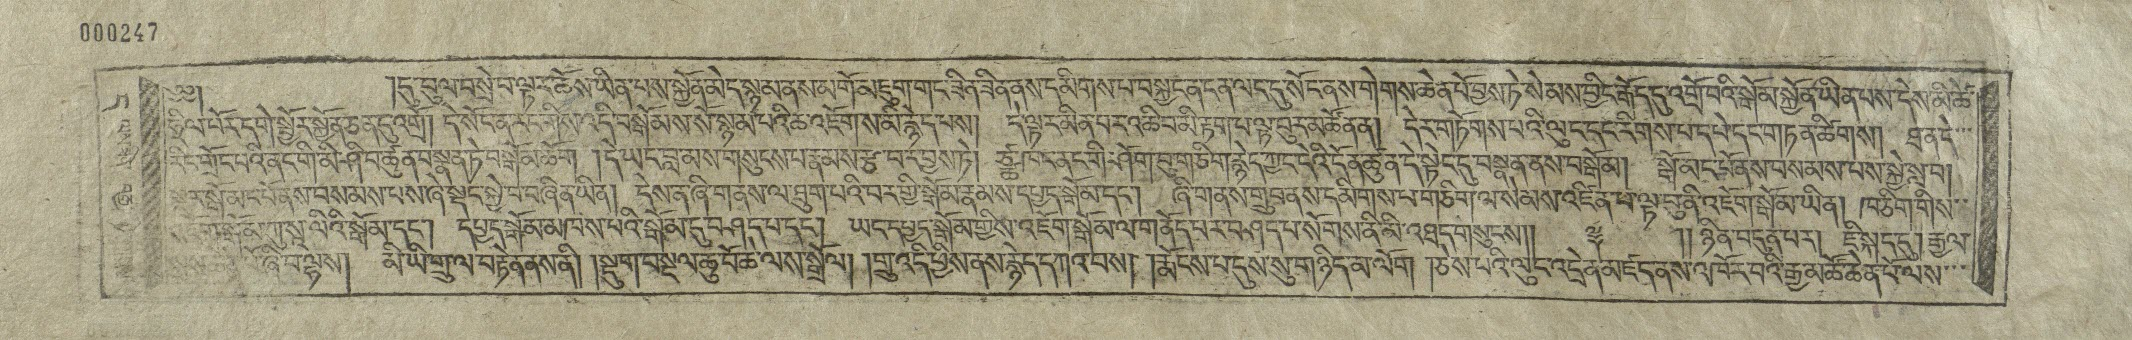༄༅། །དུ་བུལ་བསྲེ་བ་ལྟར་ཆོས་ཡིན་པས་སྐྱོན་མེད་སྙམ་ནས་མགོ་མཇུག་གང་ཟིན་ཟིན་ནས་དམིགས་པ་བསྐྱང་ན་ངན་ལང་དུ་སོང་ནས་གེགས་ཆེན་པོ་བྱས་ཏེ་སེམས་བྱིང་རྒོད་དུ་འགྲོ་བའི་སྒོམ་སྐྱོན་ཡིན་པས་དེས་མི་ཚེ་
ཧྲིལ་པོར་དགེ་སྦྱོར་སྐྱོན་ཅན་དུ་འགྲོ། དེ་སོང་ན་རང་གིས་འདི་བསྒོམས་སོ་སྙམ་པའི་ཆ་འཇོག་ས་མི་རྙེད་པས། དེ་ལྟར་མིན་པར་འཆི་བ་མི་རྟག་པ་ལྟ་བུར་མཚོན་ན། དེར་གཏོགས་པའི་ལུང་དང་རིགས་པ་དཔེ་དང་གཏན་ཚིགས། ཐ་ན་དེ་
རིང་གྲོང་པའི་ནང་གི་མི་ཤི་བ་ཚུན་བསྣན་ཏེ་བསྒོམ་ཆོག །དེ་ཡང་བླ་མས་གསུངས་པ་རྣམས་རྩ་བར་བྱས་ཏེ། ཙྪ་ཁང་ནང་གི་ཤོག་བུ་གཅིག་རྙེད་ཀྱང་དེའི་དོན་ཚུན་དེ་སྟེང་དུ་བསྣན་ནས་བསྒོམ། སྒོ་མང་པོ་ནས་བསམས་པས་སྐྱེ་སླ་བ།
སྔར་སྒོ་མང་པོ་ནས་བསམས་པས་ཞེ་སྡང་སྐྱེ་བ་བཞིན་ཡིན། དེས་ན་ཞི་གནས་ལ་ཐུག་པའི་བར་གྱི་སྒོམ་རྣམས་དཔྱད་སྒོམ་དང་། ཞི་གནས་གྲུབ་ནས་དམིགས་པ་གཅིག་ལ་སེམས་འཛིན་པ་ལྟ་བུ་ནི་འཇོག་སྒོམ་ཡིན། ཁ་ཅིག་གིས་
འཇོག་སྒོམ་ཀུ་སཱ་ལིའི་སྒོམ་དང་། དཔྱད་སྒོམ་མཁས་པའི་སྒོམ་དུ་བཤད་པ་དང་། ཡང་དཔྱད་སྒོམ་གྱིས་འཇོག་སྒོམ་ལ་གནོད་པར་བཤད་པ་སོགས་ནི་མི་འཐད་གསུངས།། ༈ །།ཉིན་བདུན་པར། ཇི་སྐད་དུ། རྒྱལ་
སྲས་ཆེན་པོ་ཞི་བ་ལྷས། མི་ཡི་གྲུ་ལ་བརྟེན་ནས་ནི། །སྡུག་བསྔལ་ཆུ་བོ་ཆེ་ལས་སྒྲོལ། །གྲུ་འདི་ཕྱིས་ནས་རྙེད་དཀའ་བས། །རྨོངས་པ་དུས་སུ་གཉིད་མ་ལོག །ཅེས་པའི་ལུང་འདྲེན་མཛད་ནས་འཁོར་བའི་རྒྱ་མཚོ་ཆེན་པོ་ལས་